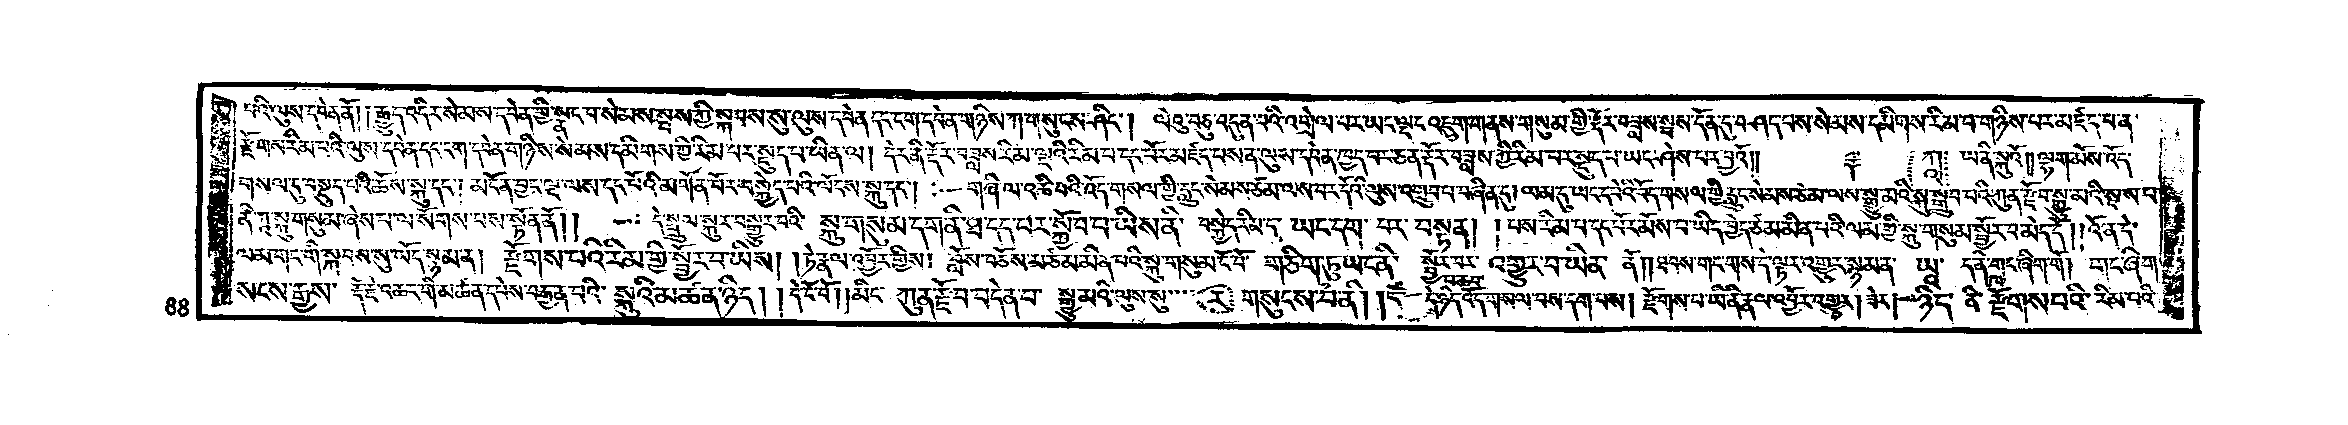པའི་ལུས་དབེན་ནོ། །རྒྱུད་འདིར་སེམས་དབེན་གྱི་སྣང་བ་སེམས་སྦས་ཀྱི་སྐབས་སུ་ལུས་དབེན་དང་ངག་དབེན་གཉིས་ཀ་གསུངས་ཤིང་། ལེའུ་བཅུ་བདུན་པའི་འགྲེལ་པར་ཡང་ལྡང་འཇུག་གནས་གསུམ་གྱི་རྡོར་བཟླས་སྦས་དོན་དུ་བཤད་པས་སེམས་དམིགས་རིམ་པ་གཉིས་པར་མཛད་པ་ན་
རྫོགས་རིམ་པའི་ལུས་དབེན་དང་ངག་དབེན་གཉིས་སེམས་དམིགས་ཀྱི་རིམ་པར་སྡུད་པ་ཡིན་ལ། དེར་ནི་རྡོར་བཟླས་རིམ་ལྔའི་རིམ་པ་དང་པོར་མཛད་པས་ན་ལུས་དབེན་ཁྱད་པར་ཅན་རྡོར་བཟླས་ཀྱི་རིམ་པར་སྡུད་པ་ཡང་ཤེས་པར་བྱའོ།། ༈ ཀཱ་ཡ་ནི་སྐུའོ། །ལྷག་མོས་འོད་
གསལ་དུ་བསྡུད་པའི་ཆོས་སྐུ་དང་། མངོན་བྱང་ལྔ་ལས་དང་པོའི་མགོན་པོར་བསྐྱེད་པའི་ལོངས་སྐུ་དང་། H.་གཞི་ལ་འཆི་བའི་འོད་གསལ་གྱི་རླུང་སེམས་ཙམ་ལས་བར་དོའི་ལུས་འགྲུབ་པ་བཞིན་དུ། ལམ་དུ་ཡང་དཔེའི་འོད་གསལ་གྱི་རླུང་སེམས་ཙམ་ལས་སྒྱུ་མའི་སྐུ་སྒྲུབ་པའི་ཀུན་རྫོབ་སྒྱུ་མའི་སྦས་པ་
ནི་ཀཱ་སྐུ་གསུམ་ཞེས་པ་ལ་སོགས་པས་སྟོན་ནོ།། .Hདེ་སྤྲུལ་སྐུར་བསྒྱུར་བའི་སྐུ་གསུམ་དག་ནི་ཐ་དད་པར་སྐྱོབ་པ་ཡིས་ནི་བསྐྱེད་རིམ་དུ་ཡང་དག་པར་བསྟན། །པས་རིམ་པ་དང་པོར་མོས་པ་ཡིད་བྱེད་ཙམ་མིན་པའི་ལམ་གྱི་སྐུ་གསུམ་སྦྱོར་བ་མེད་དོ། །འོ་ན་དེ་
ལམ་གང་གི་སྐབས་སུ་ཡོད་སྙམ་ན། རྫོགས་པའི་རིམ་གྱི་སྦྱོར་བ་ཡིས། ། ཏེ་རྣལ་འབྱོར་གྱིས། བློས་བཅོས་མ་ཙམ་མིན་པའི་སྐུ་གསུམ་ངོ་བོ་གཅིག་ཏུ་ཡང་ནི་སྦྱོར་བར་འགྱུར་བ་ཡིན་ནོ། །ཐབས་གང་གིས་དེ་ལྟར་འགྱུར་སྙམ་ན་ཡཱ་ད་ནི་གང་ཞིག་གོ། གང་ཞིག་
སངས་རྒྱས་རྡོ་རྗེ་འཆང་གི་མཚན་དཔེས་བརྒྱན་པའི་སྐུའི་མཚན་ཉིད། ། དེ་ངོ་བོ། །མིང་ཀུན་རྫོབ་བདེན་པ་སྒྱུ་མའི་ལུས་སུ་ར་གསུངས་པ་ནི། །དེ་བ་ཚབ་དེ་ཉིད་པ་ཚབ་འོད་གསལ་བས་དག་པས། རྫོགས་པ་ཡི་ནི་རྣལ་འབྱོར་འགྱུར། ཟེར། .H ཉིད་ནི་རྫོགས་པའི་རིམ་པའི་